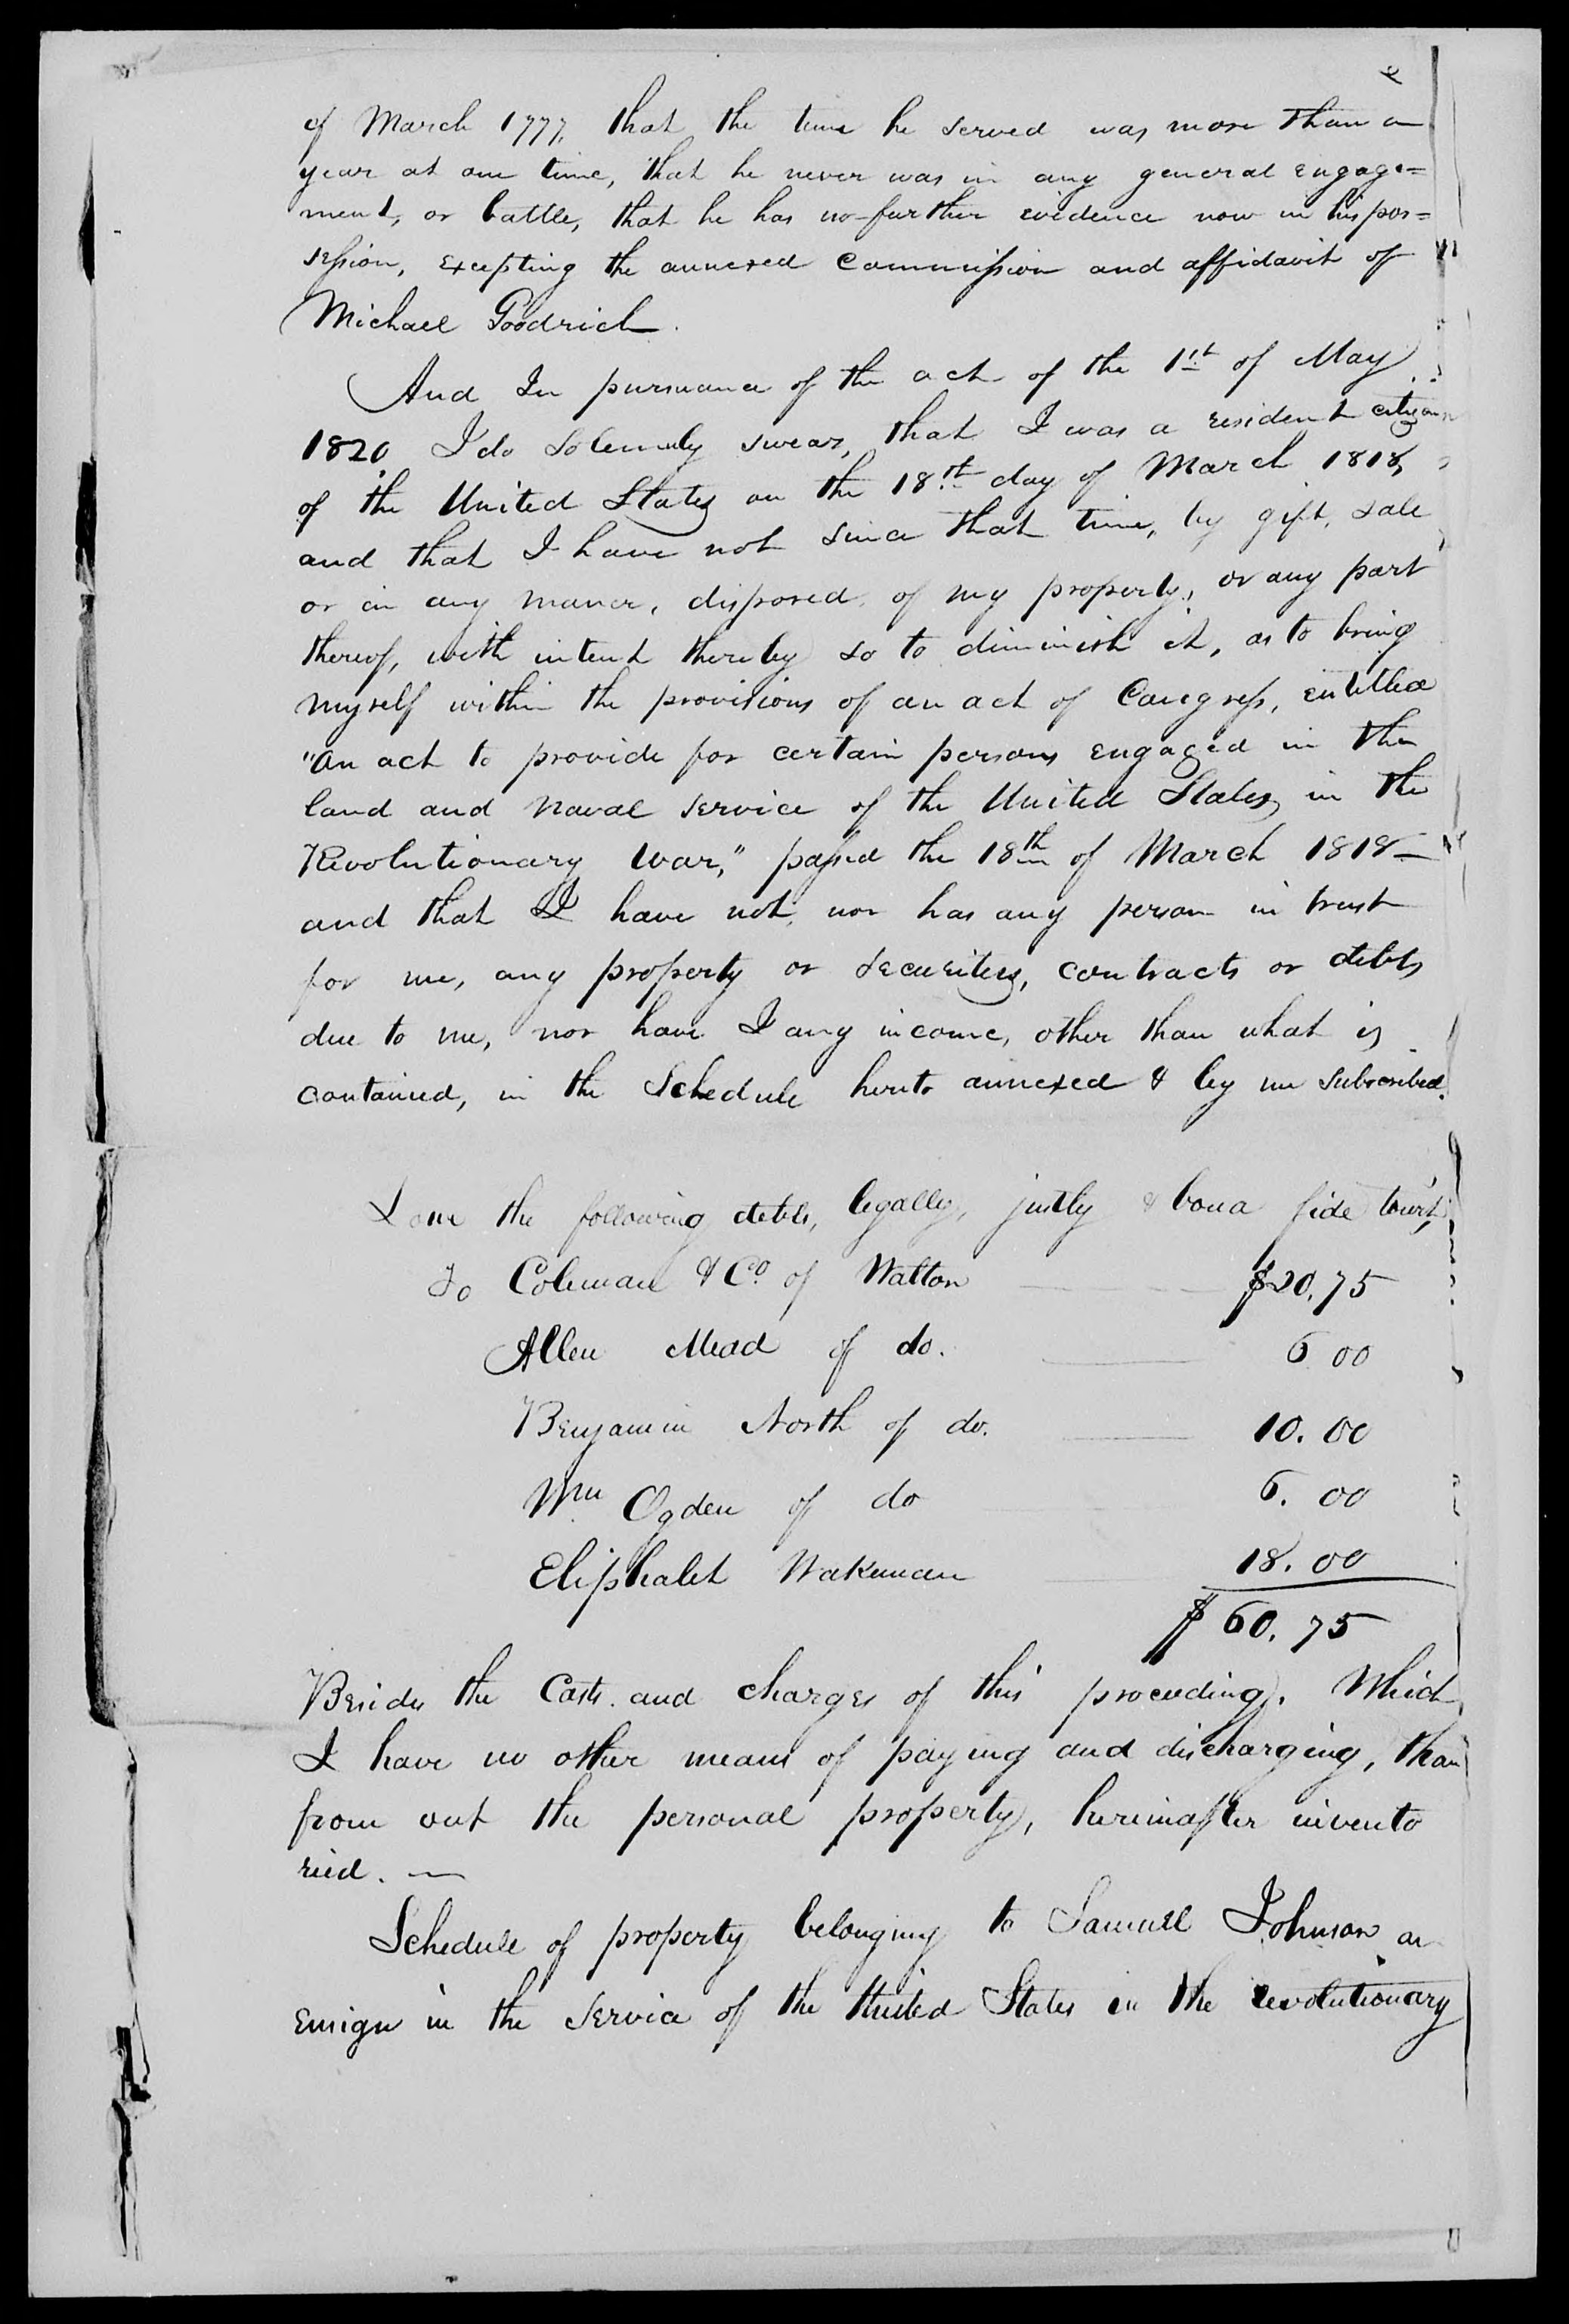of March 1777, that the time he served was more than a year at one time, that he never was in any general engagement, or battle, that he has no further evidence now in his possession, excepting the annexed commission and affidavit of Michael Goodrich.    
And in pursuance of the act of the 1st of May 1820 I do Solemnly swear, that I was a resident citizen of the United States on the 18th day of March 1818 and that I have not since that time, by gift, sale or in any manner, disposed of my property, or any part thereof, with intent thereby so to diminish it as to bring myself within the provisions of an act of Congress, entitled “An act to provide for certain persons engaged in the land and naval service of the United States in the Revolutionary War" passed the 18th of March 1818- and that I have not nor has any person in trust for me, any property or securities, contracts or debts due to me, nor have I any income, other than what is contained in the Schedule hereto annexed & by me subscribed.  
I have the following debts, legally, justly & bona fide to wit:
To Coleman & Co. of Walton   $20.75 
Allen Mead of Walton                  6.00
Benjamin North of Walton         10. 00 
Wm Ogden of Walton                  6.00 
Eliphalet Wakeman                     18.00 
$60.75 
Besides the costs and charges of this proceeding, which I have no other means of paying and discharging, than from out the personal property, hereinafter inventoried 
Schedule of property belonging to Samuel Johnson an Ensign in the service of the United States in the revolutionary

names: Samuel Johnson; Allen Mead; Benjamin North; Wm Ogden; Eliphalet Wakeman; [BLANK] Coleman; Michael Goodrich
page: 9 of 43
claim: rejected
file: R. 5655, for Samuel Johnson, Connecticut